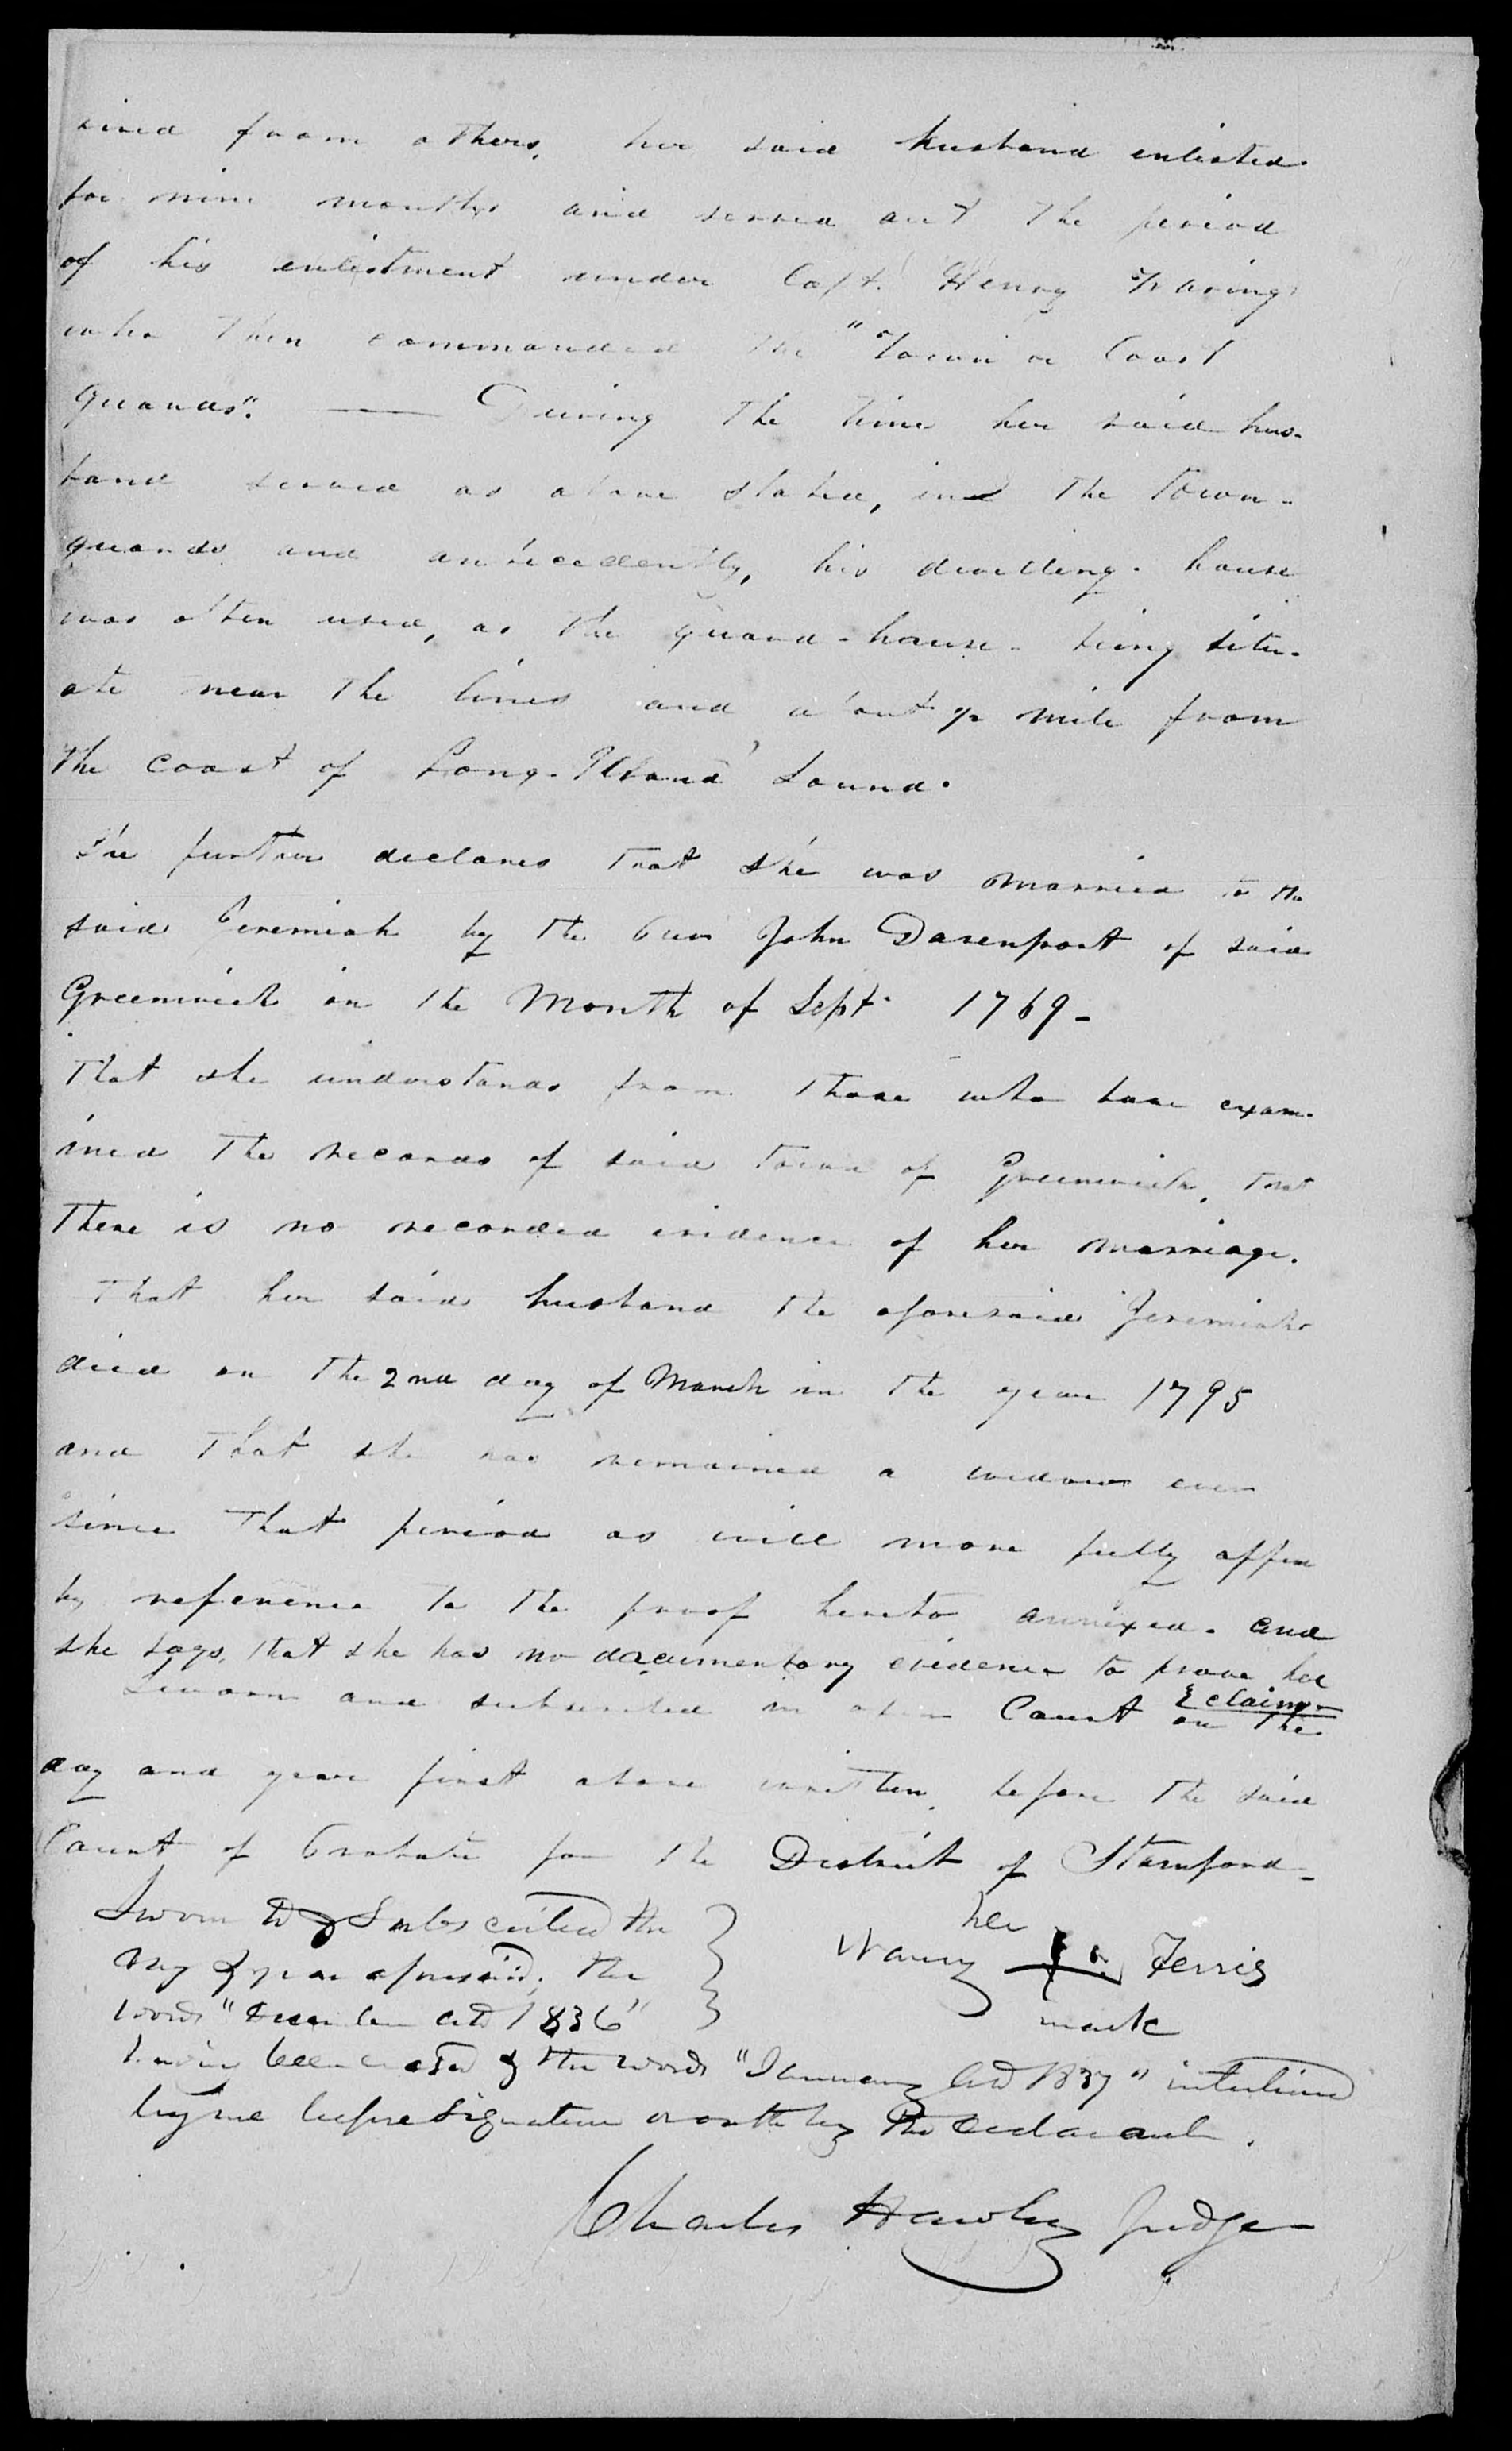aired from others, her said husband enlisted for nine months and service out the period of his enlistment under Capt. Henry Waring under then commanded the "Town or Coast Guard'.  During the time her said husband served as above stated, in the Town Guards and subsequently, his dwelling house was often used, as the guard house - being literate near the lines and about 1/2 mile from the coast of Long Island Sound.  
She further declares that she was married to the said Jeremiah by the Gen. John Davenport of said Greenwich in the month of September 1769 -
That she understands from those who have examined the records of said town of Greenwich, that there is no recorded evidence of her marriage.
That her said husband the aforesaid Jeremiah died on the 2nd day of March in the year 1795 and that she has remained a widow ever since that period as will more fully affirm by reference to the proof hereto annexed, and she says that she has no documentary evidence to prove her  [illegible].

Sworn & subscribed in open Court on the day and year first above written before the said Court of Probate for the District of Stamford.
                                     her
   [Signed]        Nancy     X      Ferris
                                    mark

Sworn & subscribed this 
day & year aforesaid, the
Lord "December AD 1836"
having been asd & the word 
"January AD 1837"interlined 
by me before signature [illegible] by the declarant.
   [Signed] Charles Hawley, Judge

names: Jeremiah, Nancy Ferris, John Davenport, Charles Hawley, Henry Waring, Jeremiah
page: 8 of 14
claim: widow's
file: W. 17897, Jeremiah Ferris, Conn.